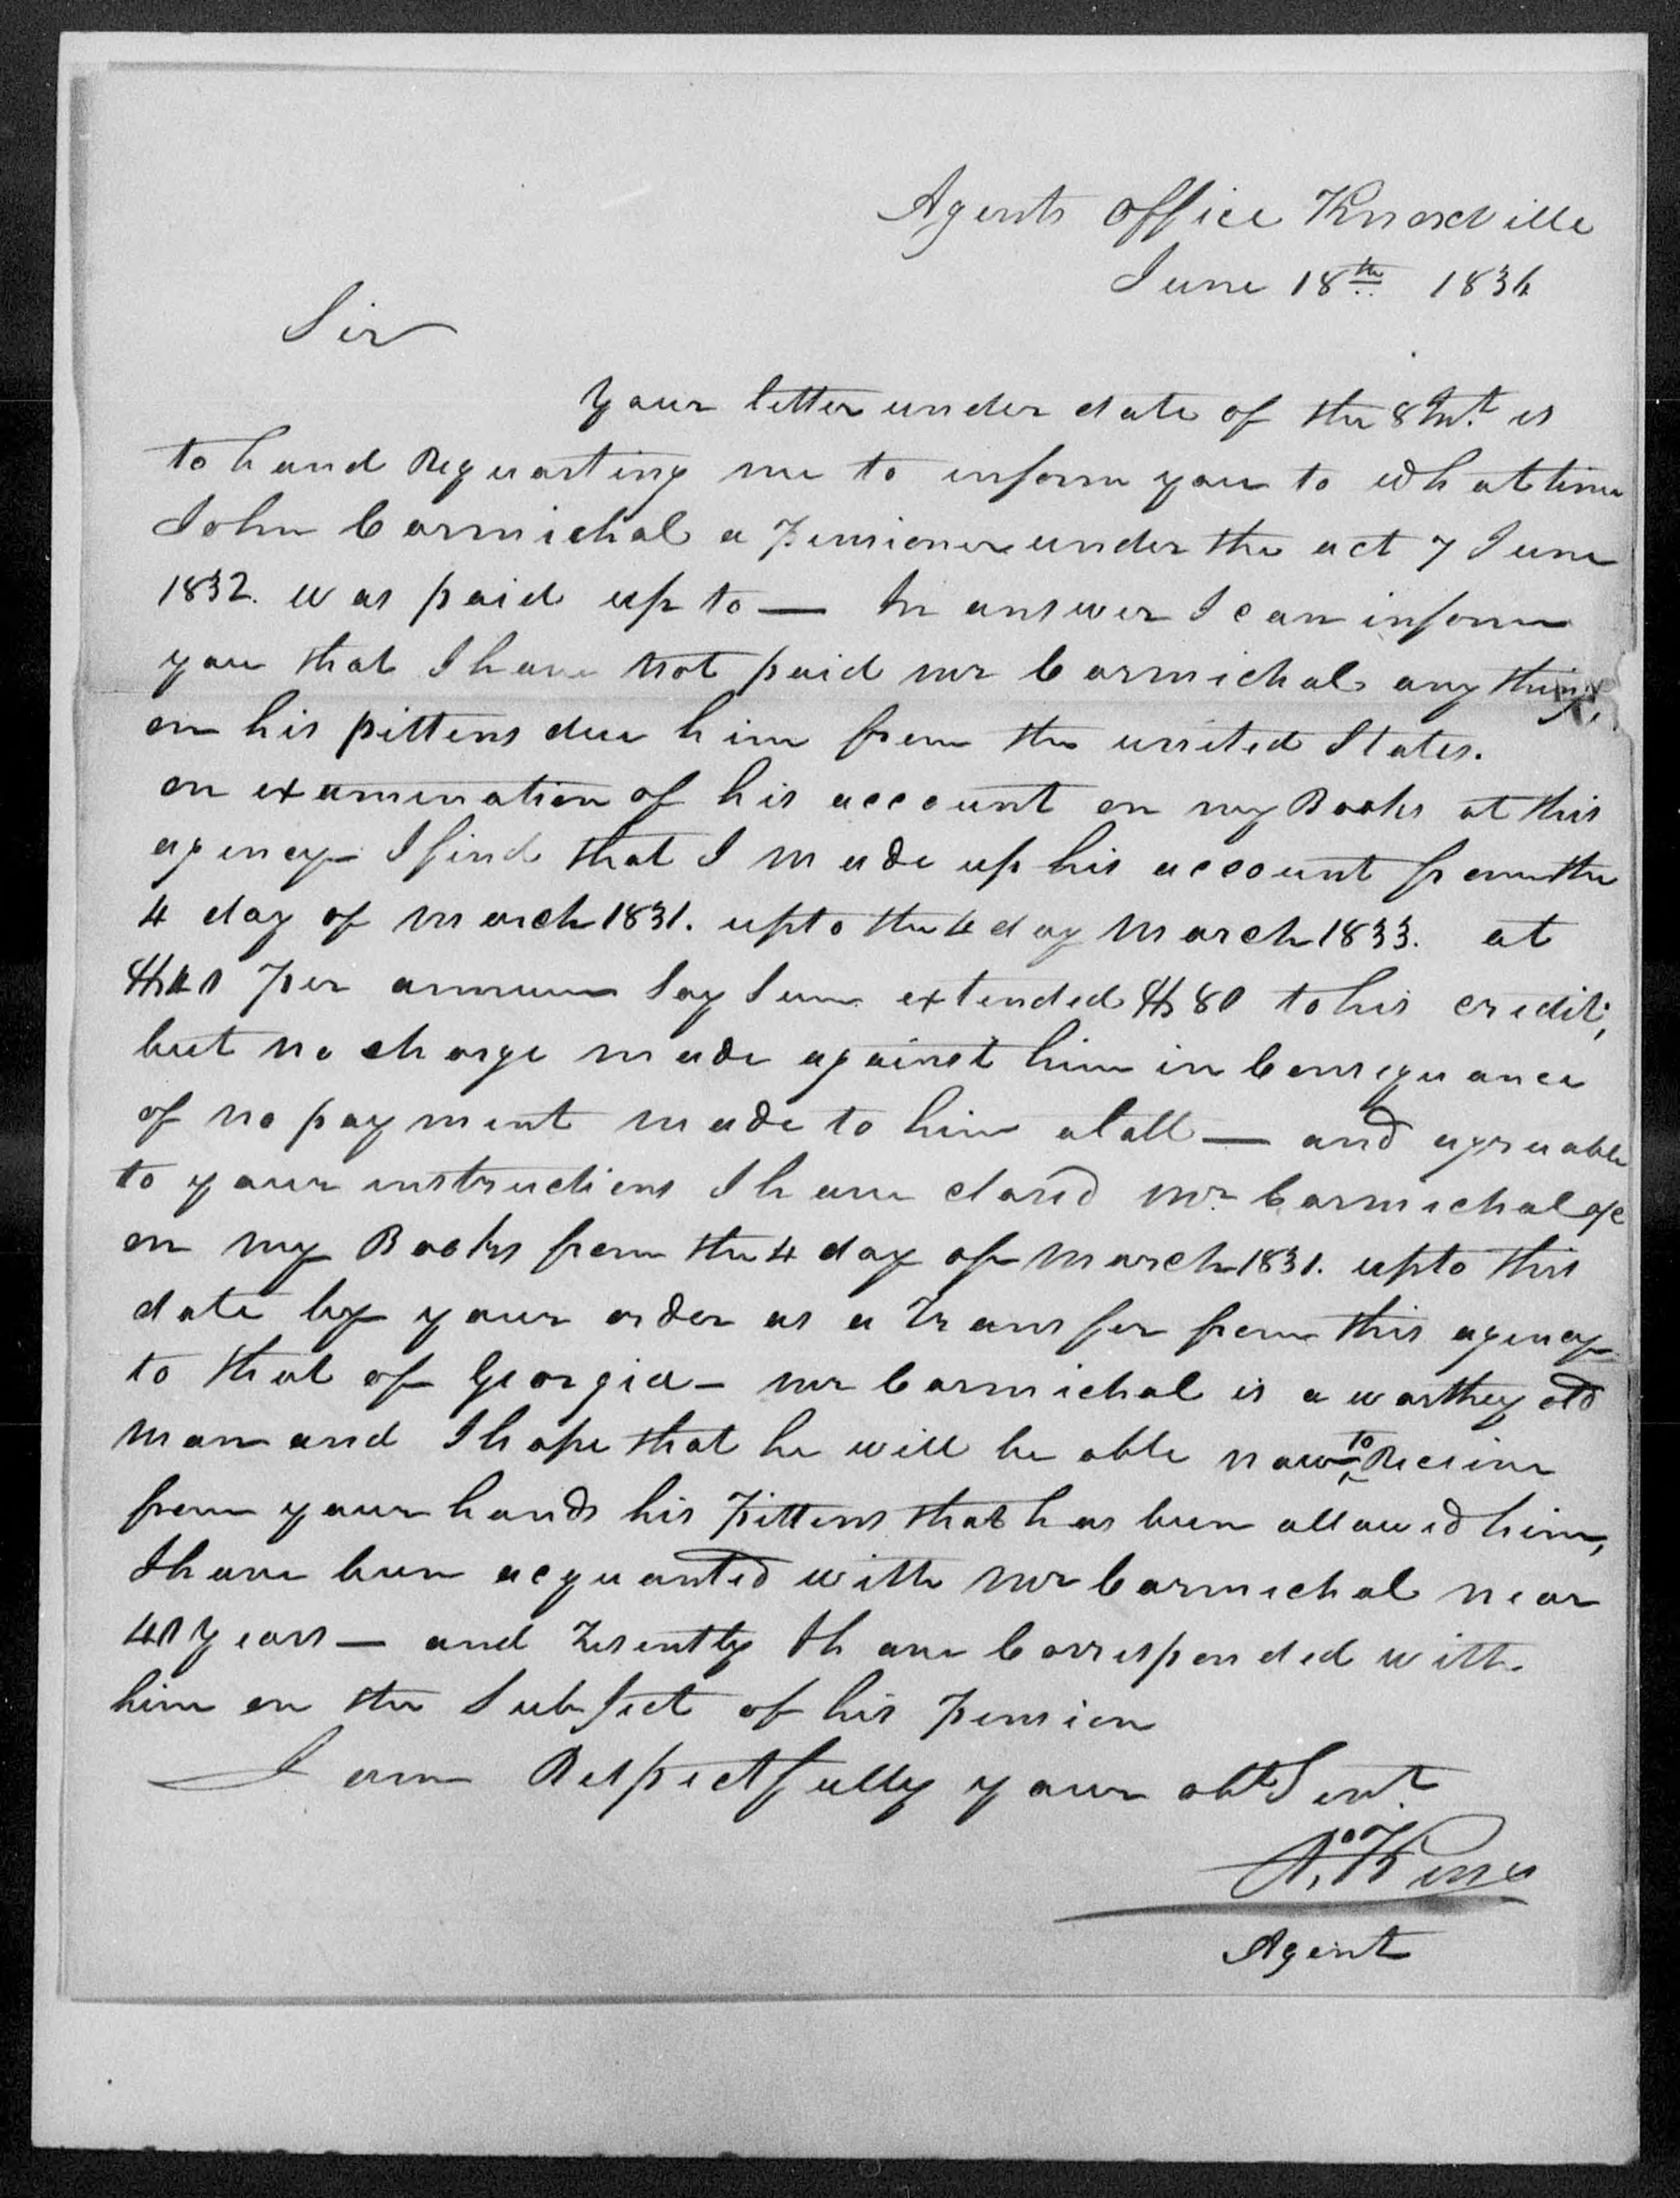Agents office Knoxville
June 18th 1836

Sir

Your letter under date of the 8 Jny. is to hand requesting me to inform you to what time John Carmichal[sp] a pensioner under the act 7 June 1832 was paid up to— In answer I can inform you that I have not paid mr  Carmichal [sp] anything on his pittens[sp] due him from the United States. an examination of his account on my Books at this expense I find that I made up his account from the 4 day of March 1831 up to the 4th of March 1833. At that per annum Say I am extended $80 to his credit; but no charge made against him in Consequence of no payments made to him at all— and agreeable to your instructions I have cleared Mr. Carmichal[sp] on my Books from the 4 day of March 1831. Up to this date by your order as a Transfer from this agency to that of Georgia- Mr Carmichal is a worthy old man and I hope that he will be able now to receive from your hands his pittens[sp] that has been allowed him, I have been acquainted with Mr. Carmichal near 40 years— and resently[sp] I have Corresponded with him on the Subject of his pension

I am Respectfully you obt Sert 
A Th Pen
Agent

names: A F Ping, Carmichal, Carmichal, Carmichal, John Carmichal, Carmichal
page: 15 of 42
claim: survivor's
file: S. 31,595, John Carmickele, Penn.